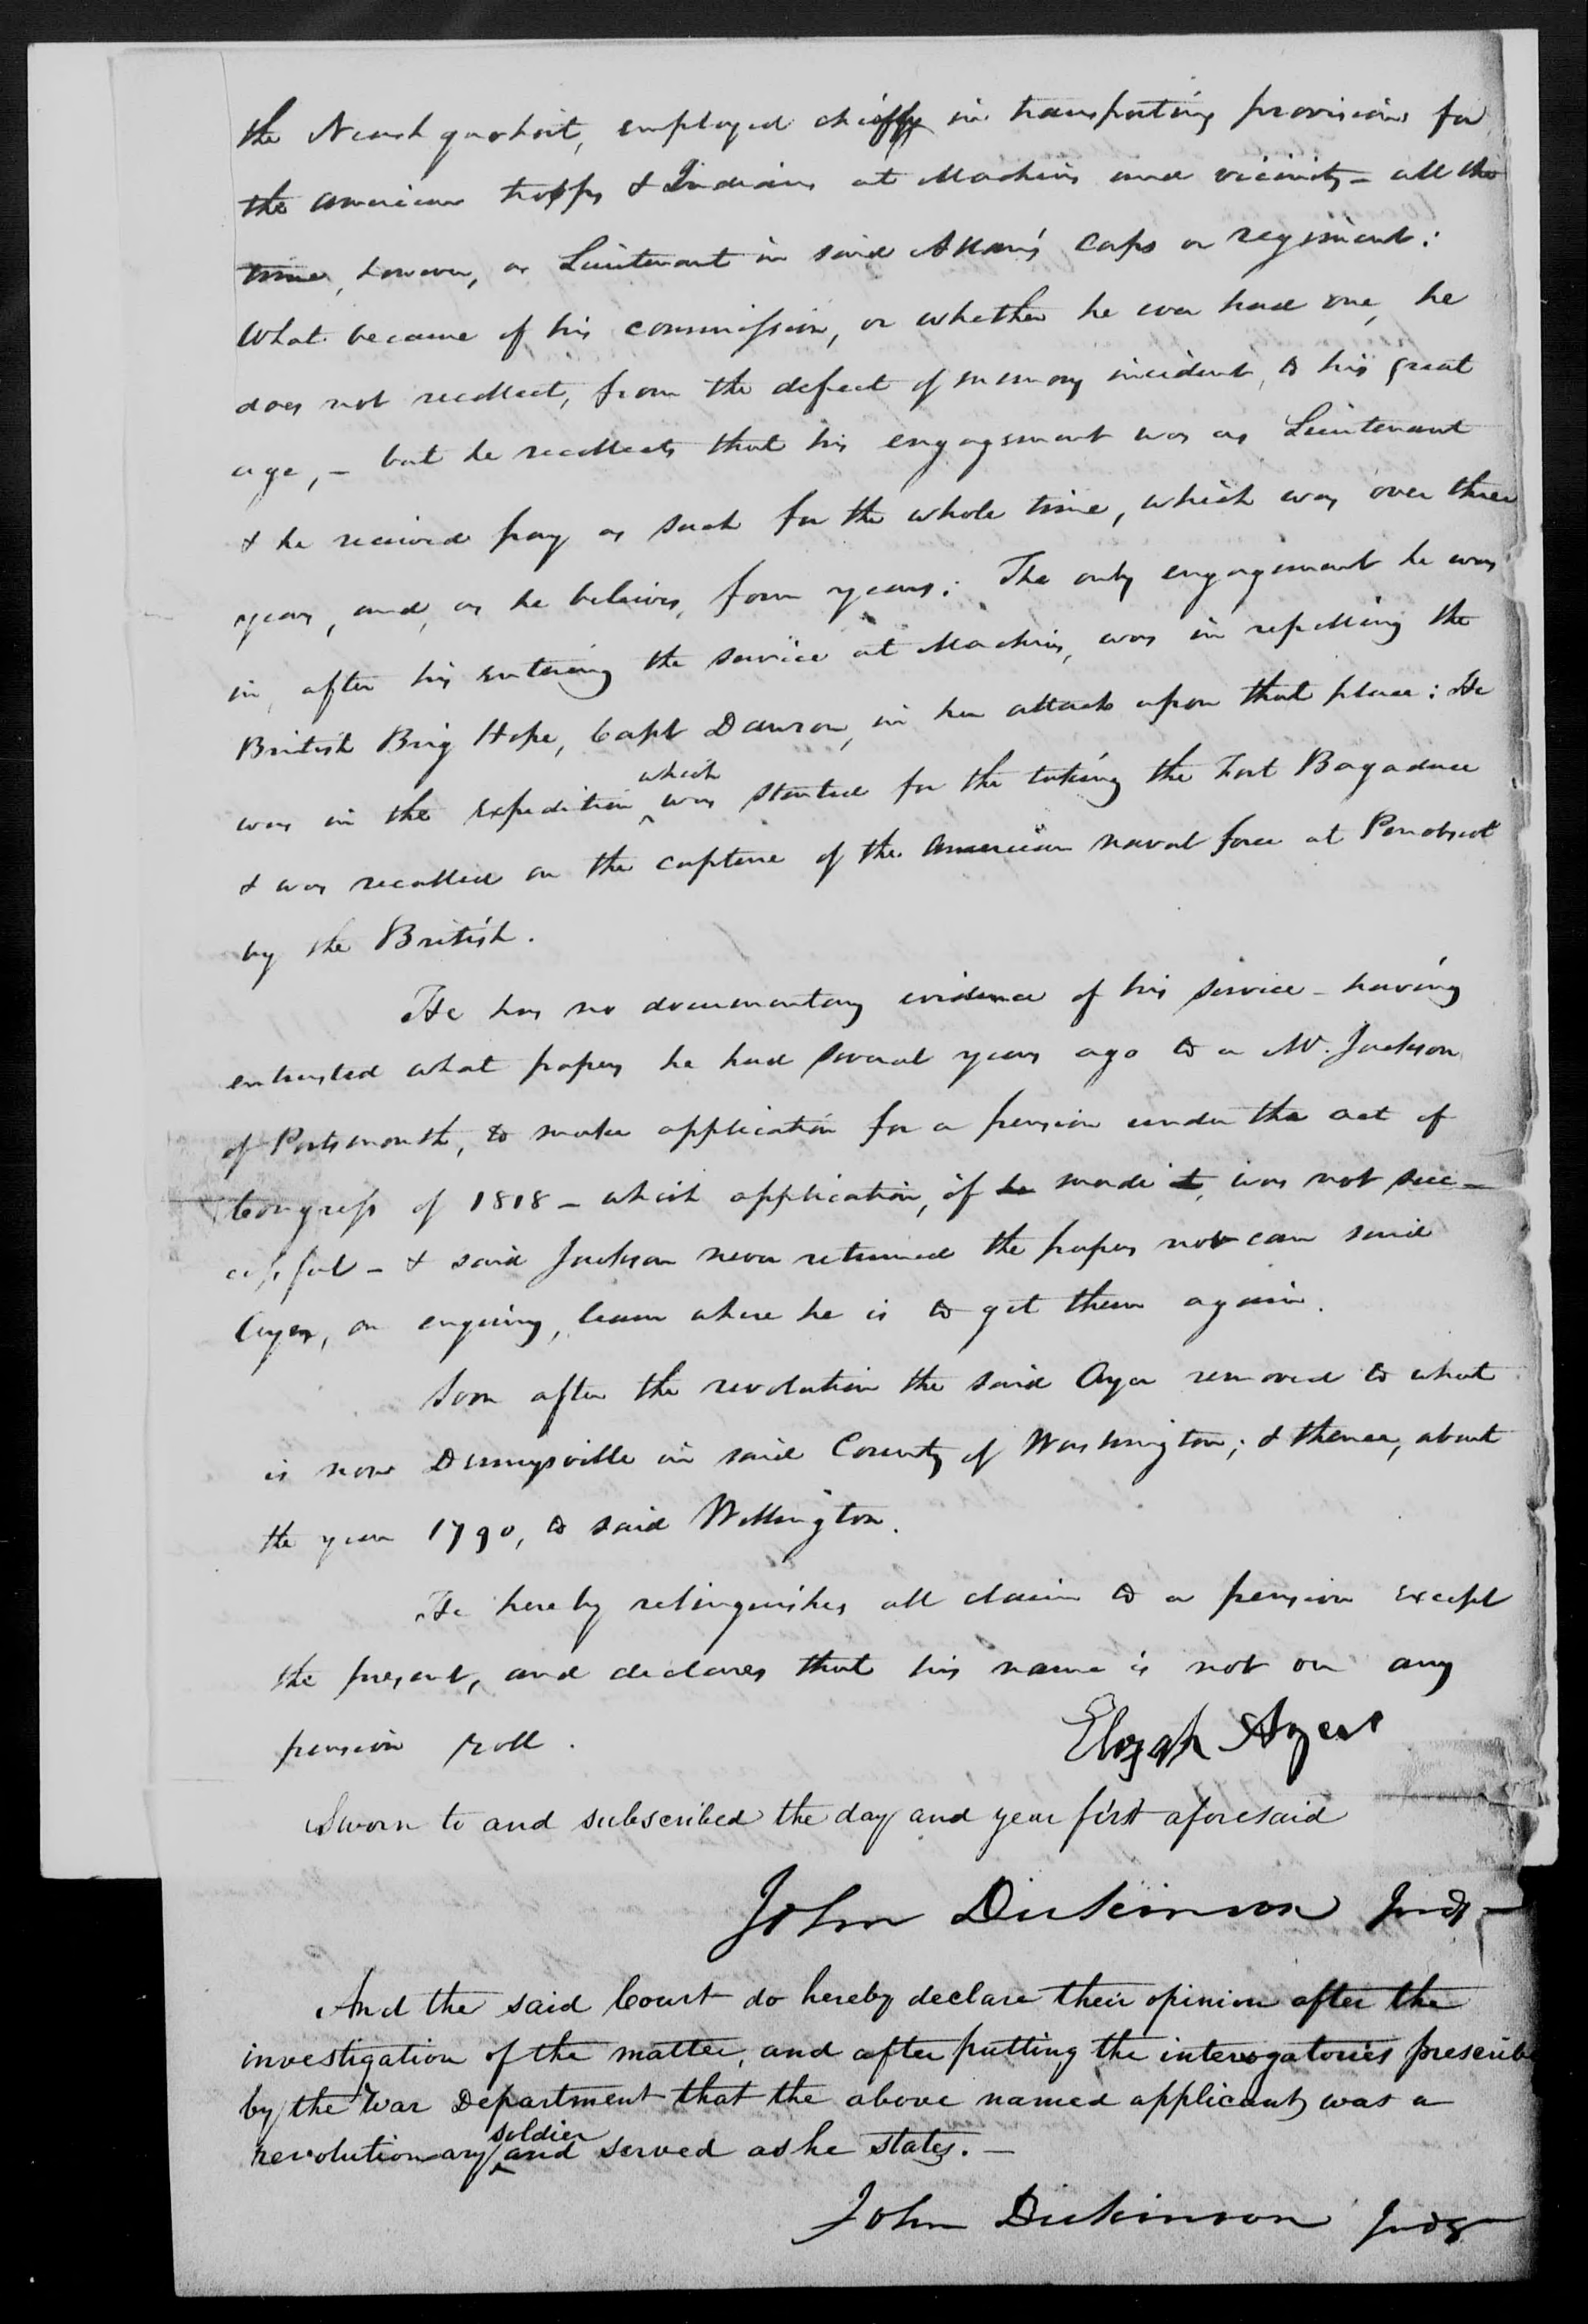the Neashquahoit, employed chiefly in transporting provisions for the american troops & Indians at Machias and vicinity-- all the time however, or Lieutenant in said Allan's Corps or regiment: 
what became of his commission, or whether he ever had one, he does not recollect, from the defect of memory incident to his great
age,- but he recollects that his engagement was as Lieutenant & he received pay as such for the whole time, which was over three
year, and, as he believes, four years. 
The only engagement he was in after his entering the service at Machias, was in repelling the British Brig Hope, Capt Dawson, in her attack upon that place.
He was in the expedition which was started for the taking the Fort Bagaduce & was recalled as the the captine of the American naval force at Penobscot by the British.
He has no documentary evidence of his service, having entrusted what papers he had several years ago to a Mr Jackson at Portsmouth, to make application for a pension under the act of Congress of 1818-- which application, if he made was not successful- & said Jackson never returned the papers nor can said Ayer, or enquiring, learn where he is to get them again.

Soon after the revolution the said Ayer removed to what is now Dennysville in said County of Washington; & thence about
the year 1790, to said Wellington.
He hereby relinquishes all claim to a pension except the present, and declares that his name is not on any pension roll
Elijah Ayer

Sworn to and subscribed the day and year first aforesaid
---
John Dickinson and And the said Court do hereby declare their opinion after the
investigation of the matter, and after putting the interrogatories presents by the War Department that the above named applicant was a Revolutionary and served as he states.
John Dickinson Judge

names: John Dickinson, Jackson, Dauron, Jackson, Ayer, John Dickinson, Elijah Ayer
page: 4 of 52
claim: survivor's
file: S. 30,838, Elijah Ayer, Mass